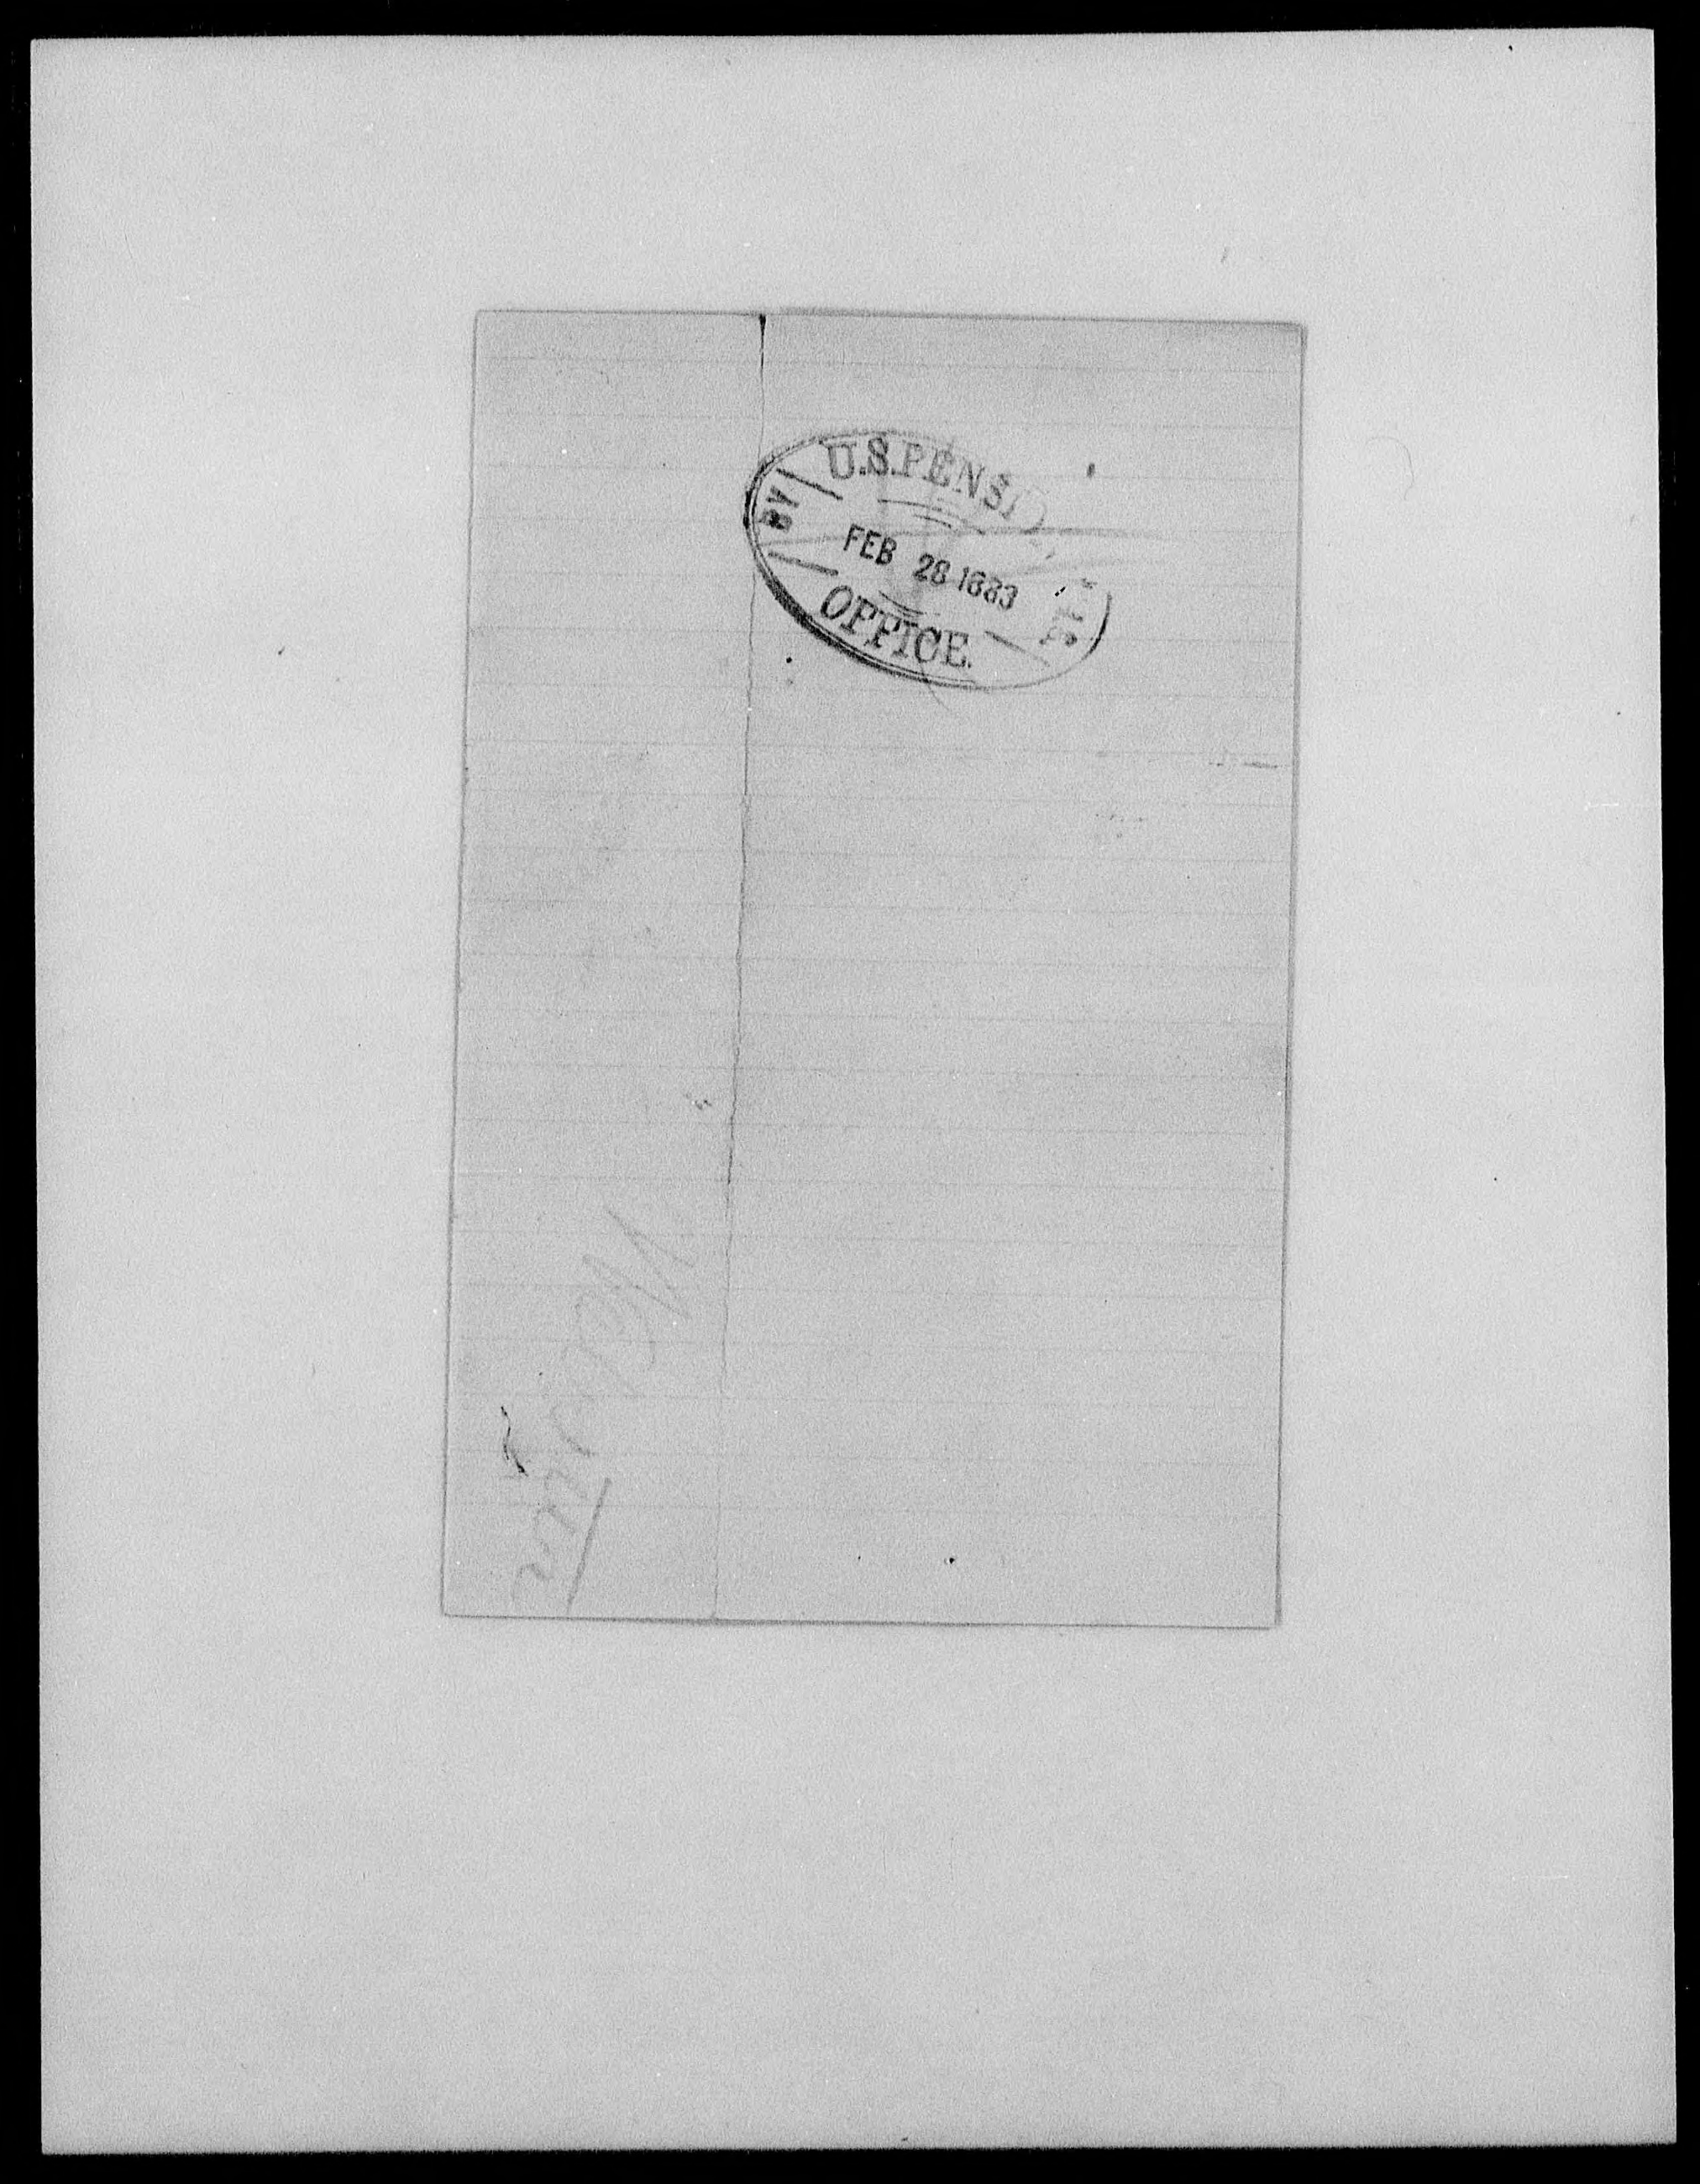Oval Black Stamp:
U.S. PENSION OFFICE
FEB 28 1883
BY [ILLEGIBLE]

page: 54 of 62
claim: widow's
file: W. 765, for Richard L Jones, Connecticut